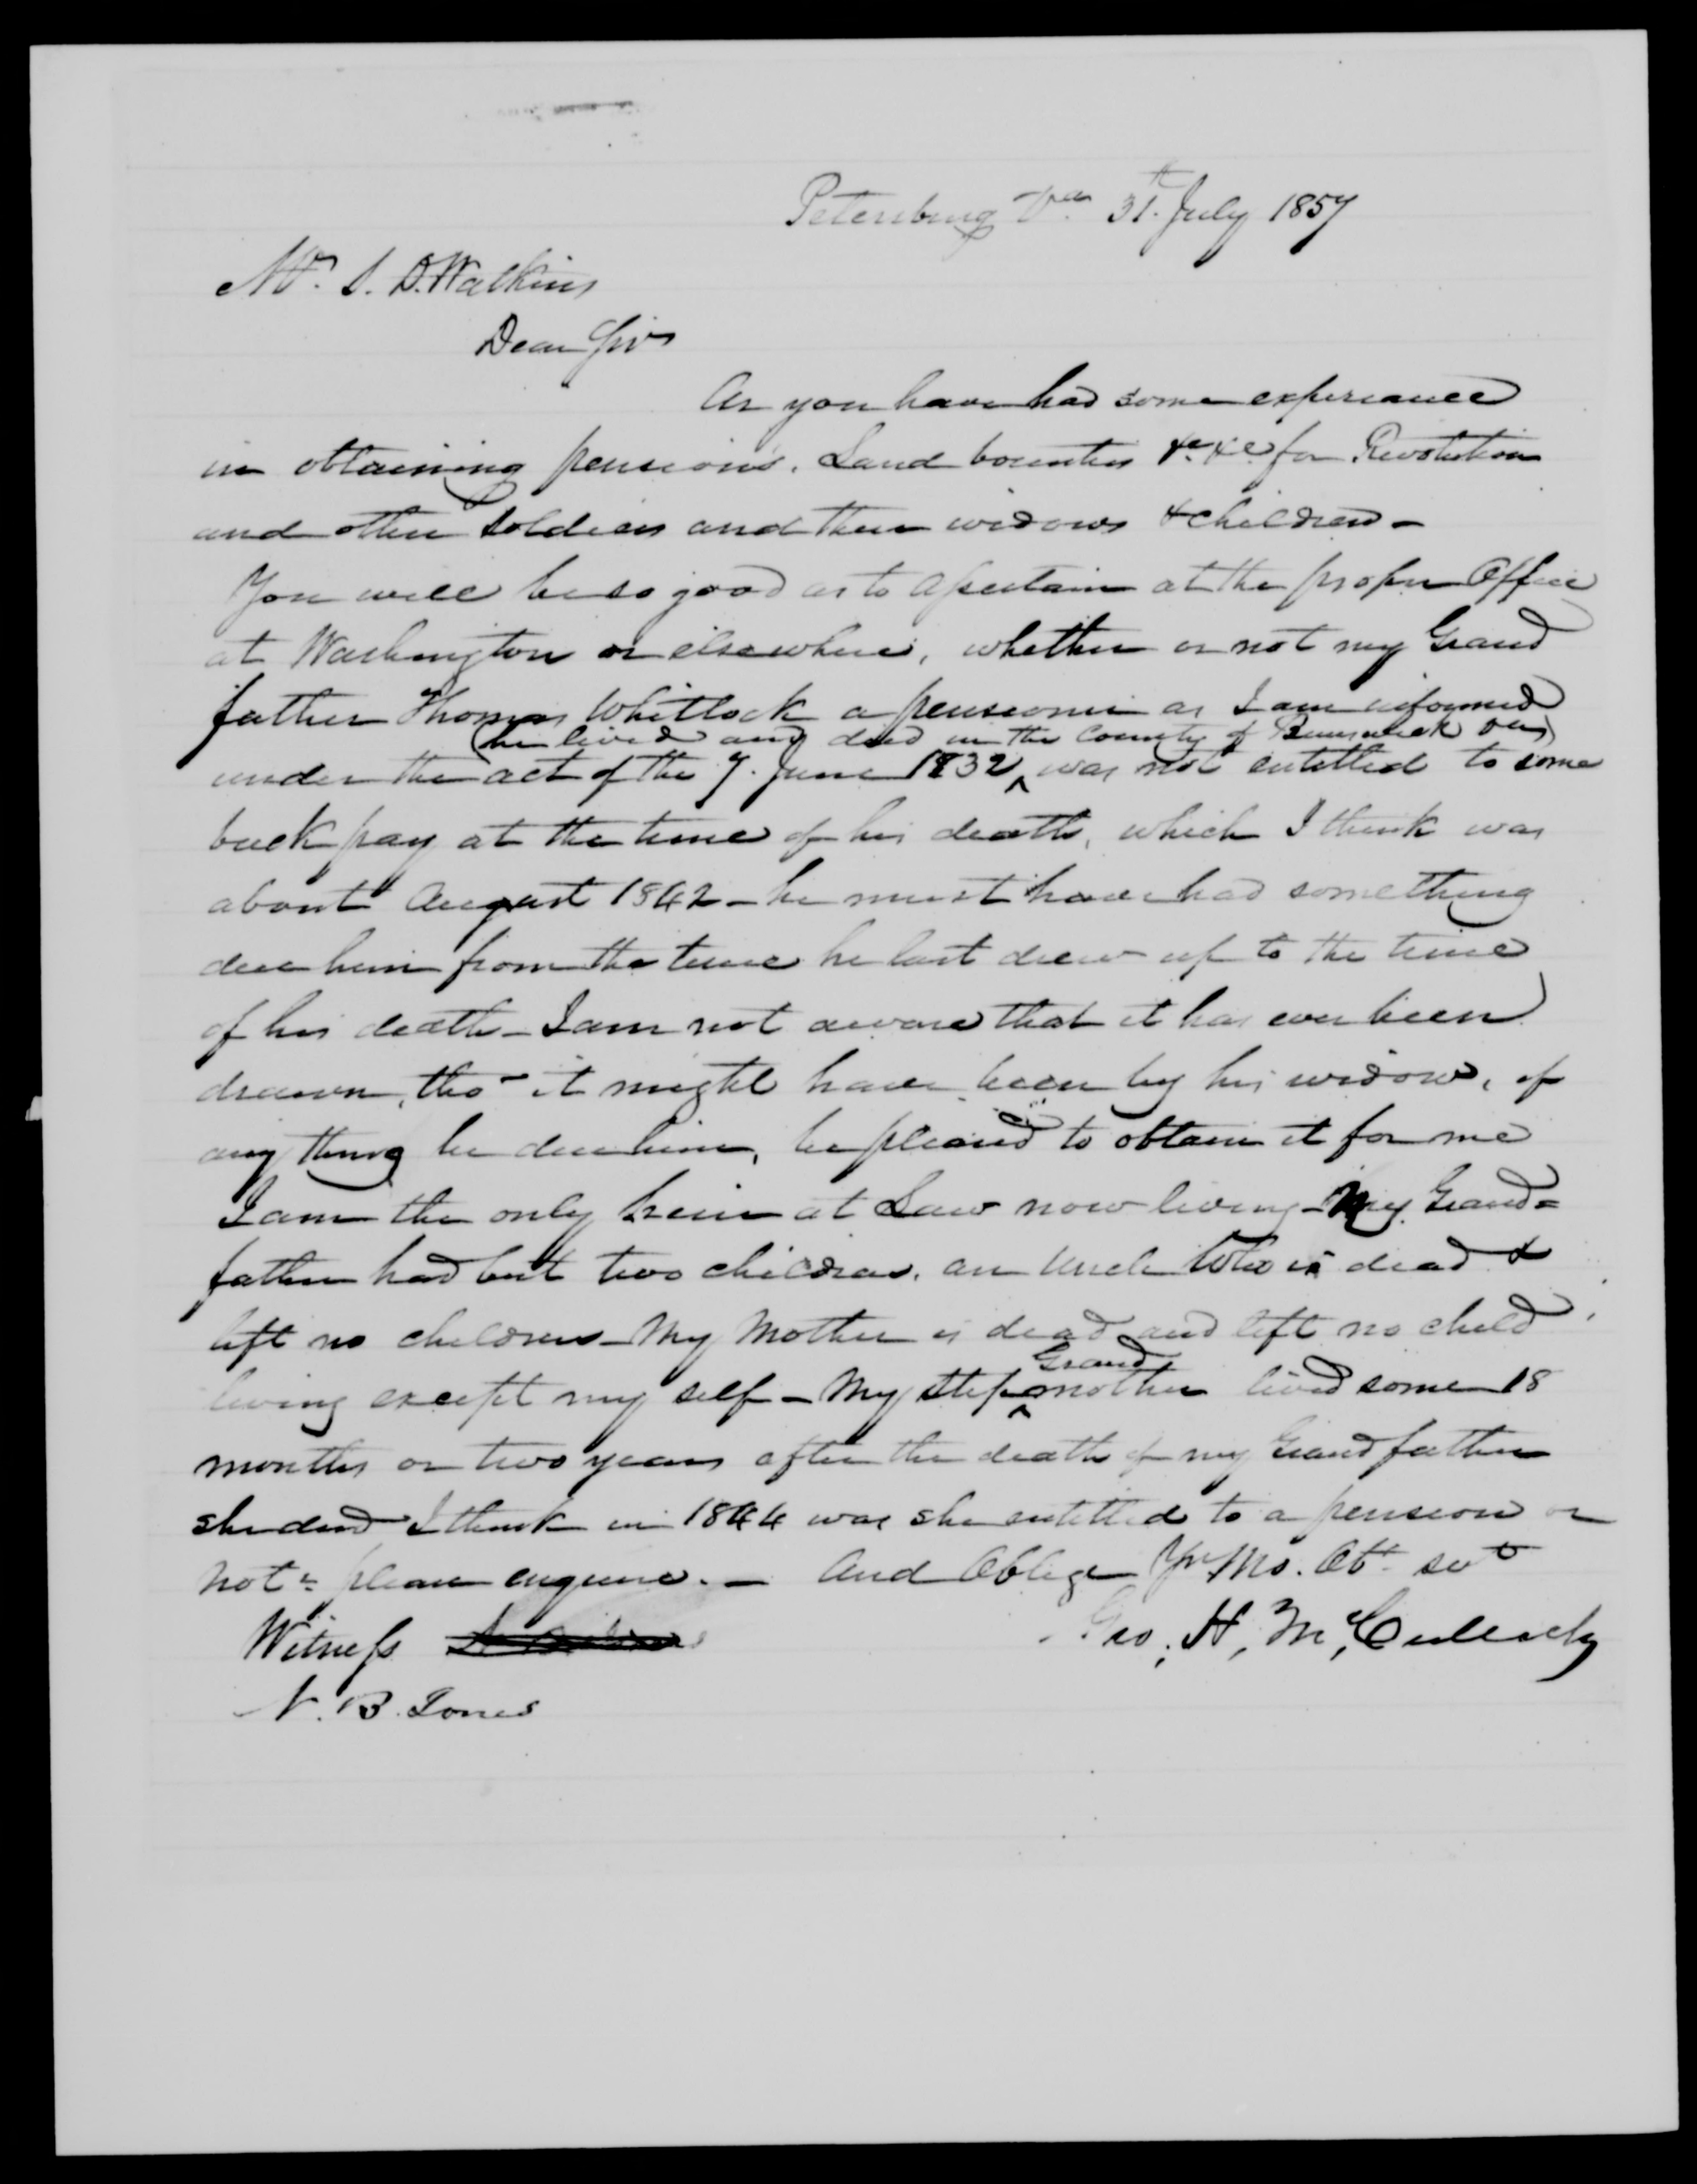Petersburg Va. 31st. July 1857
Mr. S. D. Watkins
Dear Sir
As you have had some experience in obtaining pensions, Land bounties &c &c for Revolution and other soldiers and their widows & children -
You will be so good as to ascertain at the proper Office at Washington or elsewhere, whether or not my Grand father Thomas Whitlock a pensioner as I am informed under the act of the 7. June 1832 (he lived and died in the County of Brunswick Va) was not entitled to some back pay at the time of his death, which I think was about August 1842 - he must have had something due him from the time he last drew up to the time of his death - I am not aware that it has ever been drawn tho' it might have been by his widow, if anything be due him, be pleased to obtain it for me I am the only heir at Law now living - My Grandfather had but two children, an Uncle who is dead & left no children - My Mother is dead and left no child living except my self - My step Grand mother lived some 18 months or two years after the death of my Grandfather she died I think in 1844 was she entitled to a pension or not? Please enquire. - And Oblige Yr Ms. Obt. svt
Geo; H, M, Callock
Witness
N. B. Jones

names: Thomas Whitlock, Geo H M Callock, N B Jones, S D Watkins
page: 13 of 32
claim: survivor's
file: S. 16020, Thomas Whitlock, Va.